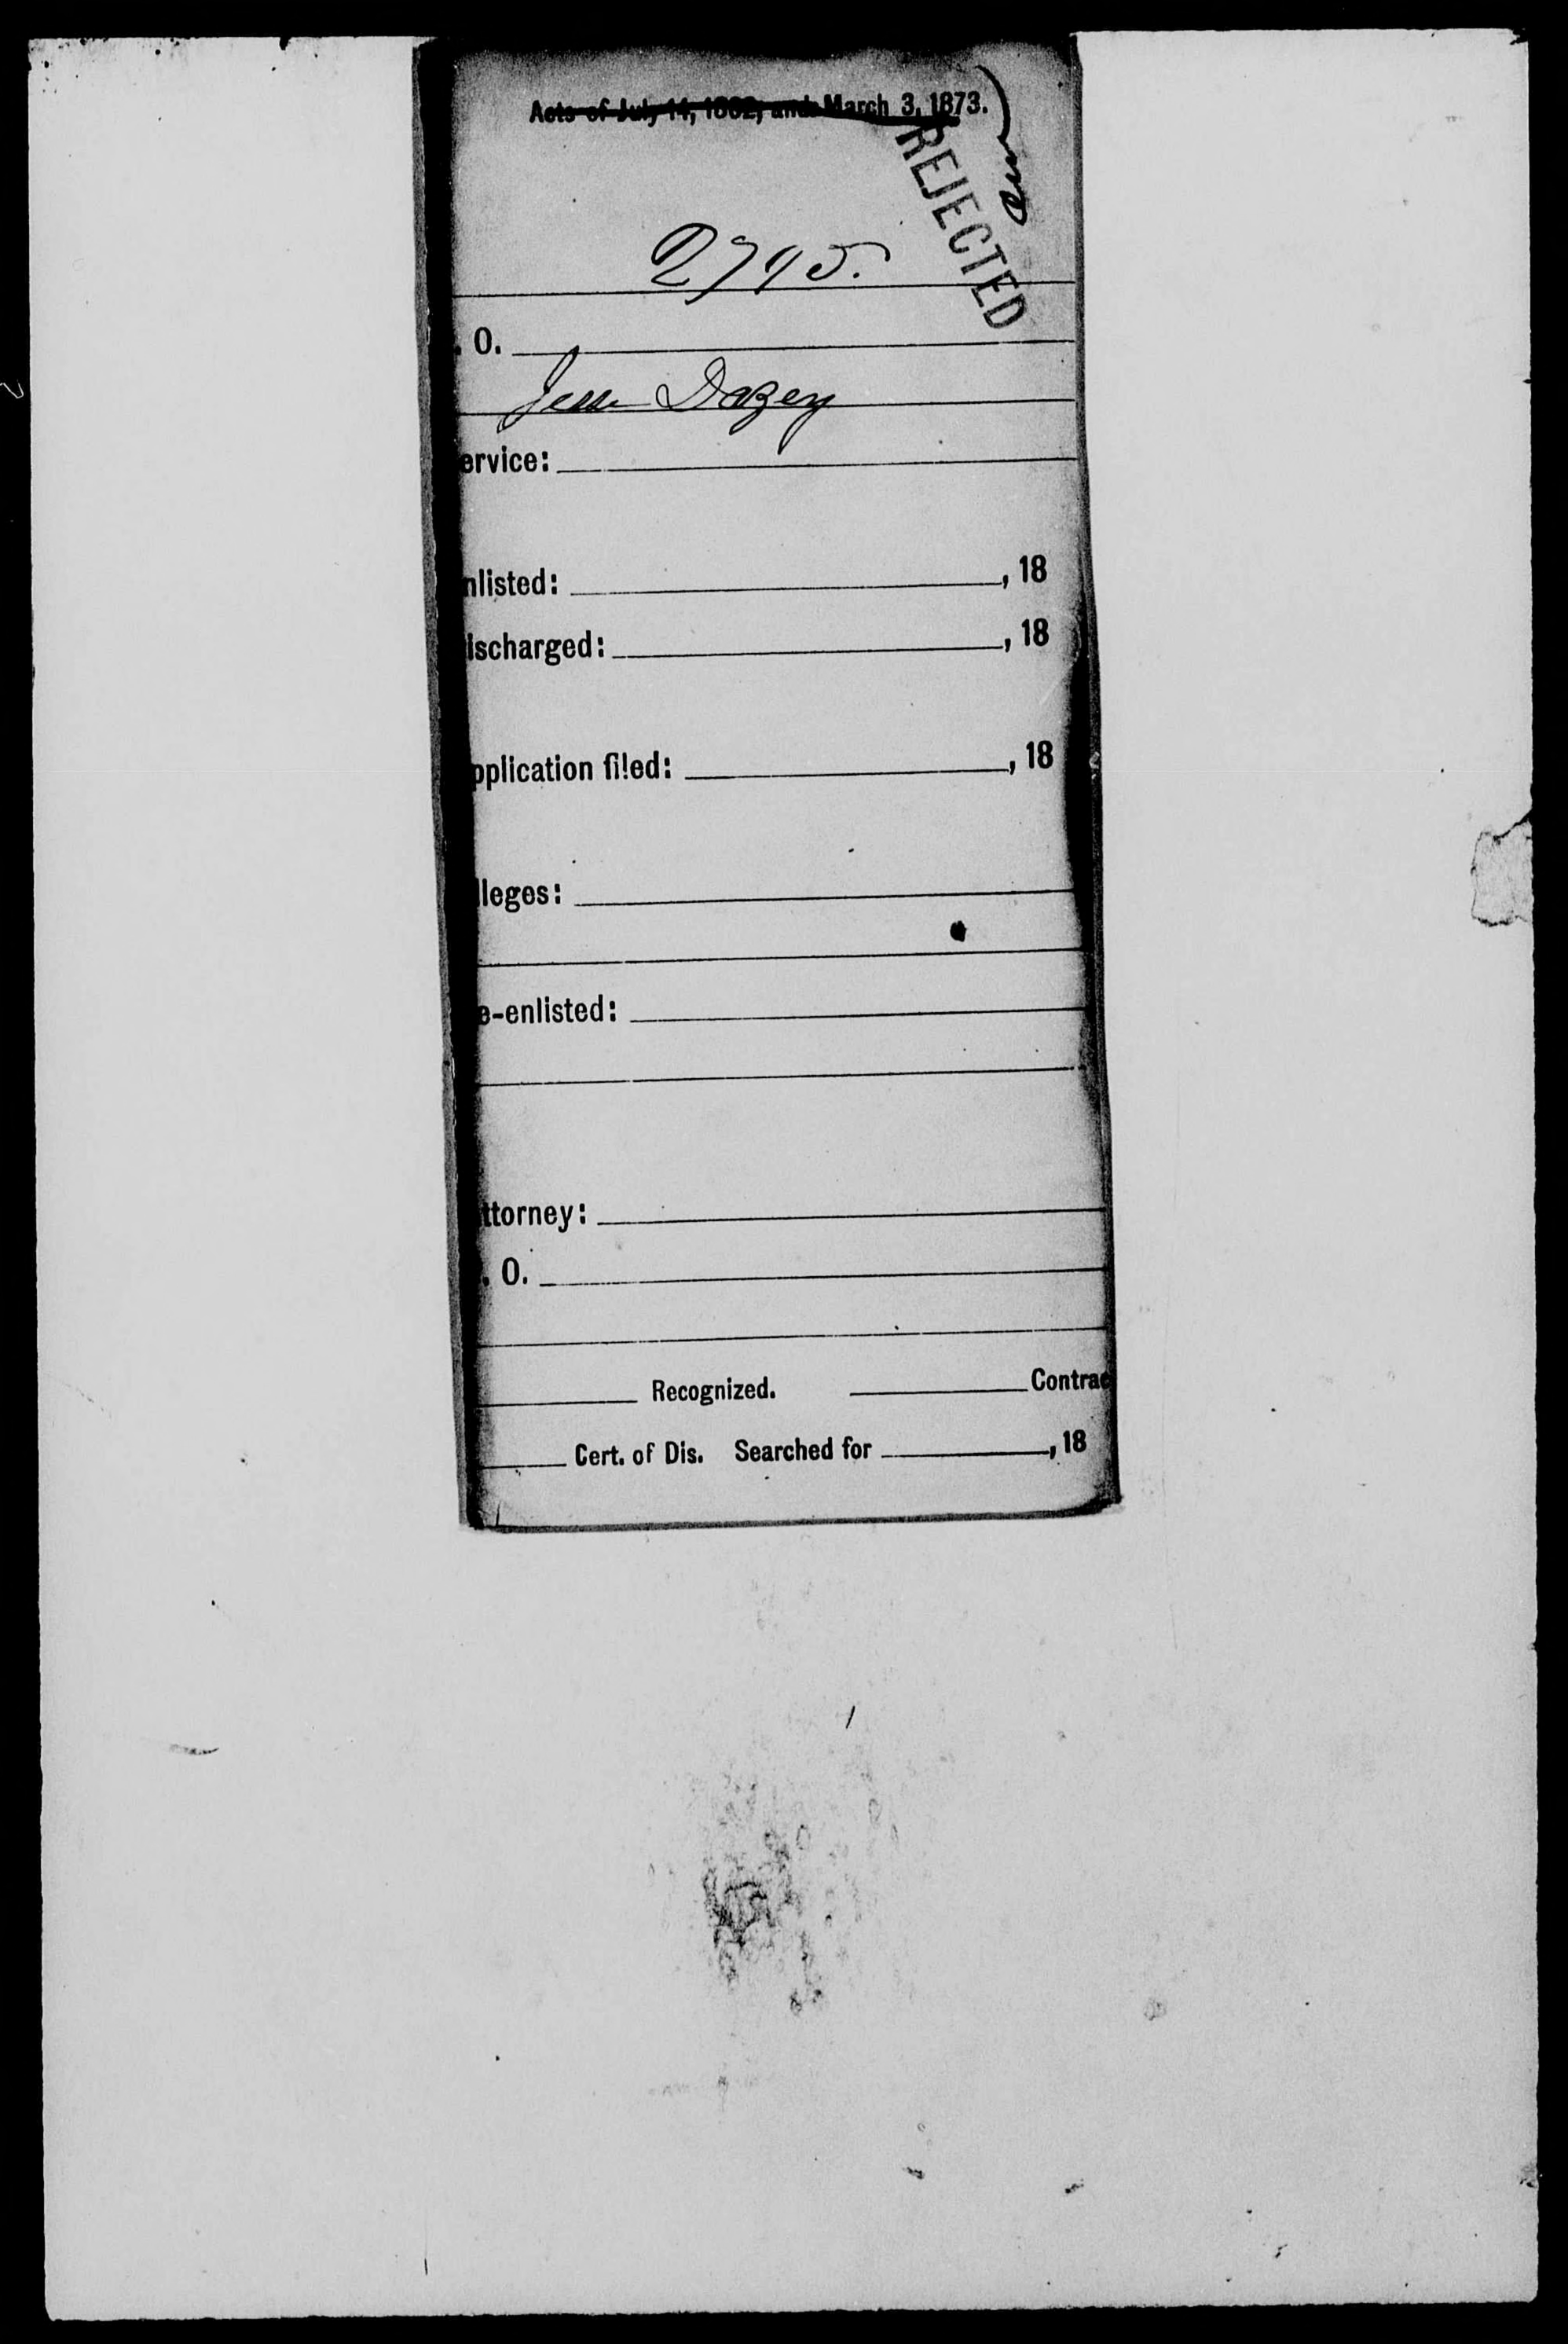[Marked out: Acts of July 14, 1832, and March 3, 1873.]
[Stamped: REJECTED]
2795.
P.O. Jesse Dazey
Service: [blank]
Enlisted: [blank], 18
Discharged: [blank], 18
Application filed: [blank], 18
Alleges: [blank], 18
Alleges: [blank]
Re-enlisted: [blank]
Attorney: [blank]
P. O. [blank]
[Blank] Recognized. 
[Blank] Contract.
[Blank] Cert. of Dis.
Searched for [blank], 18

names: Jesse Dazey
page: 10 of 32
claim: rejected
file: R. 2795, Jesse Dazey, Del.